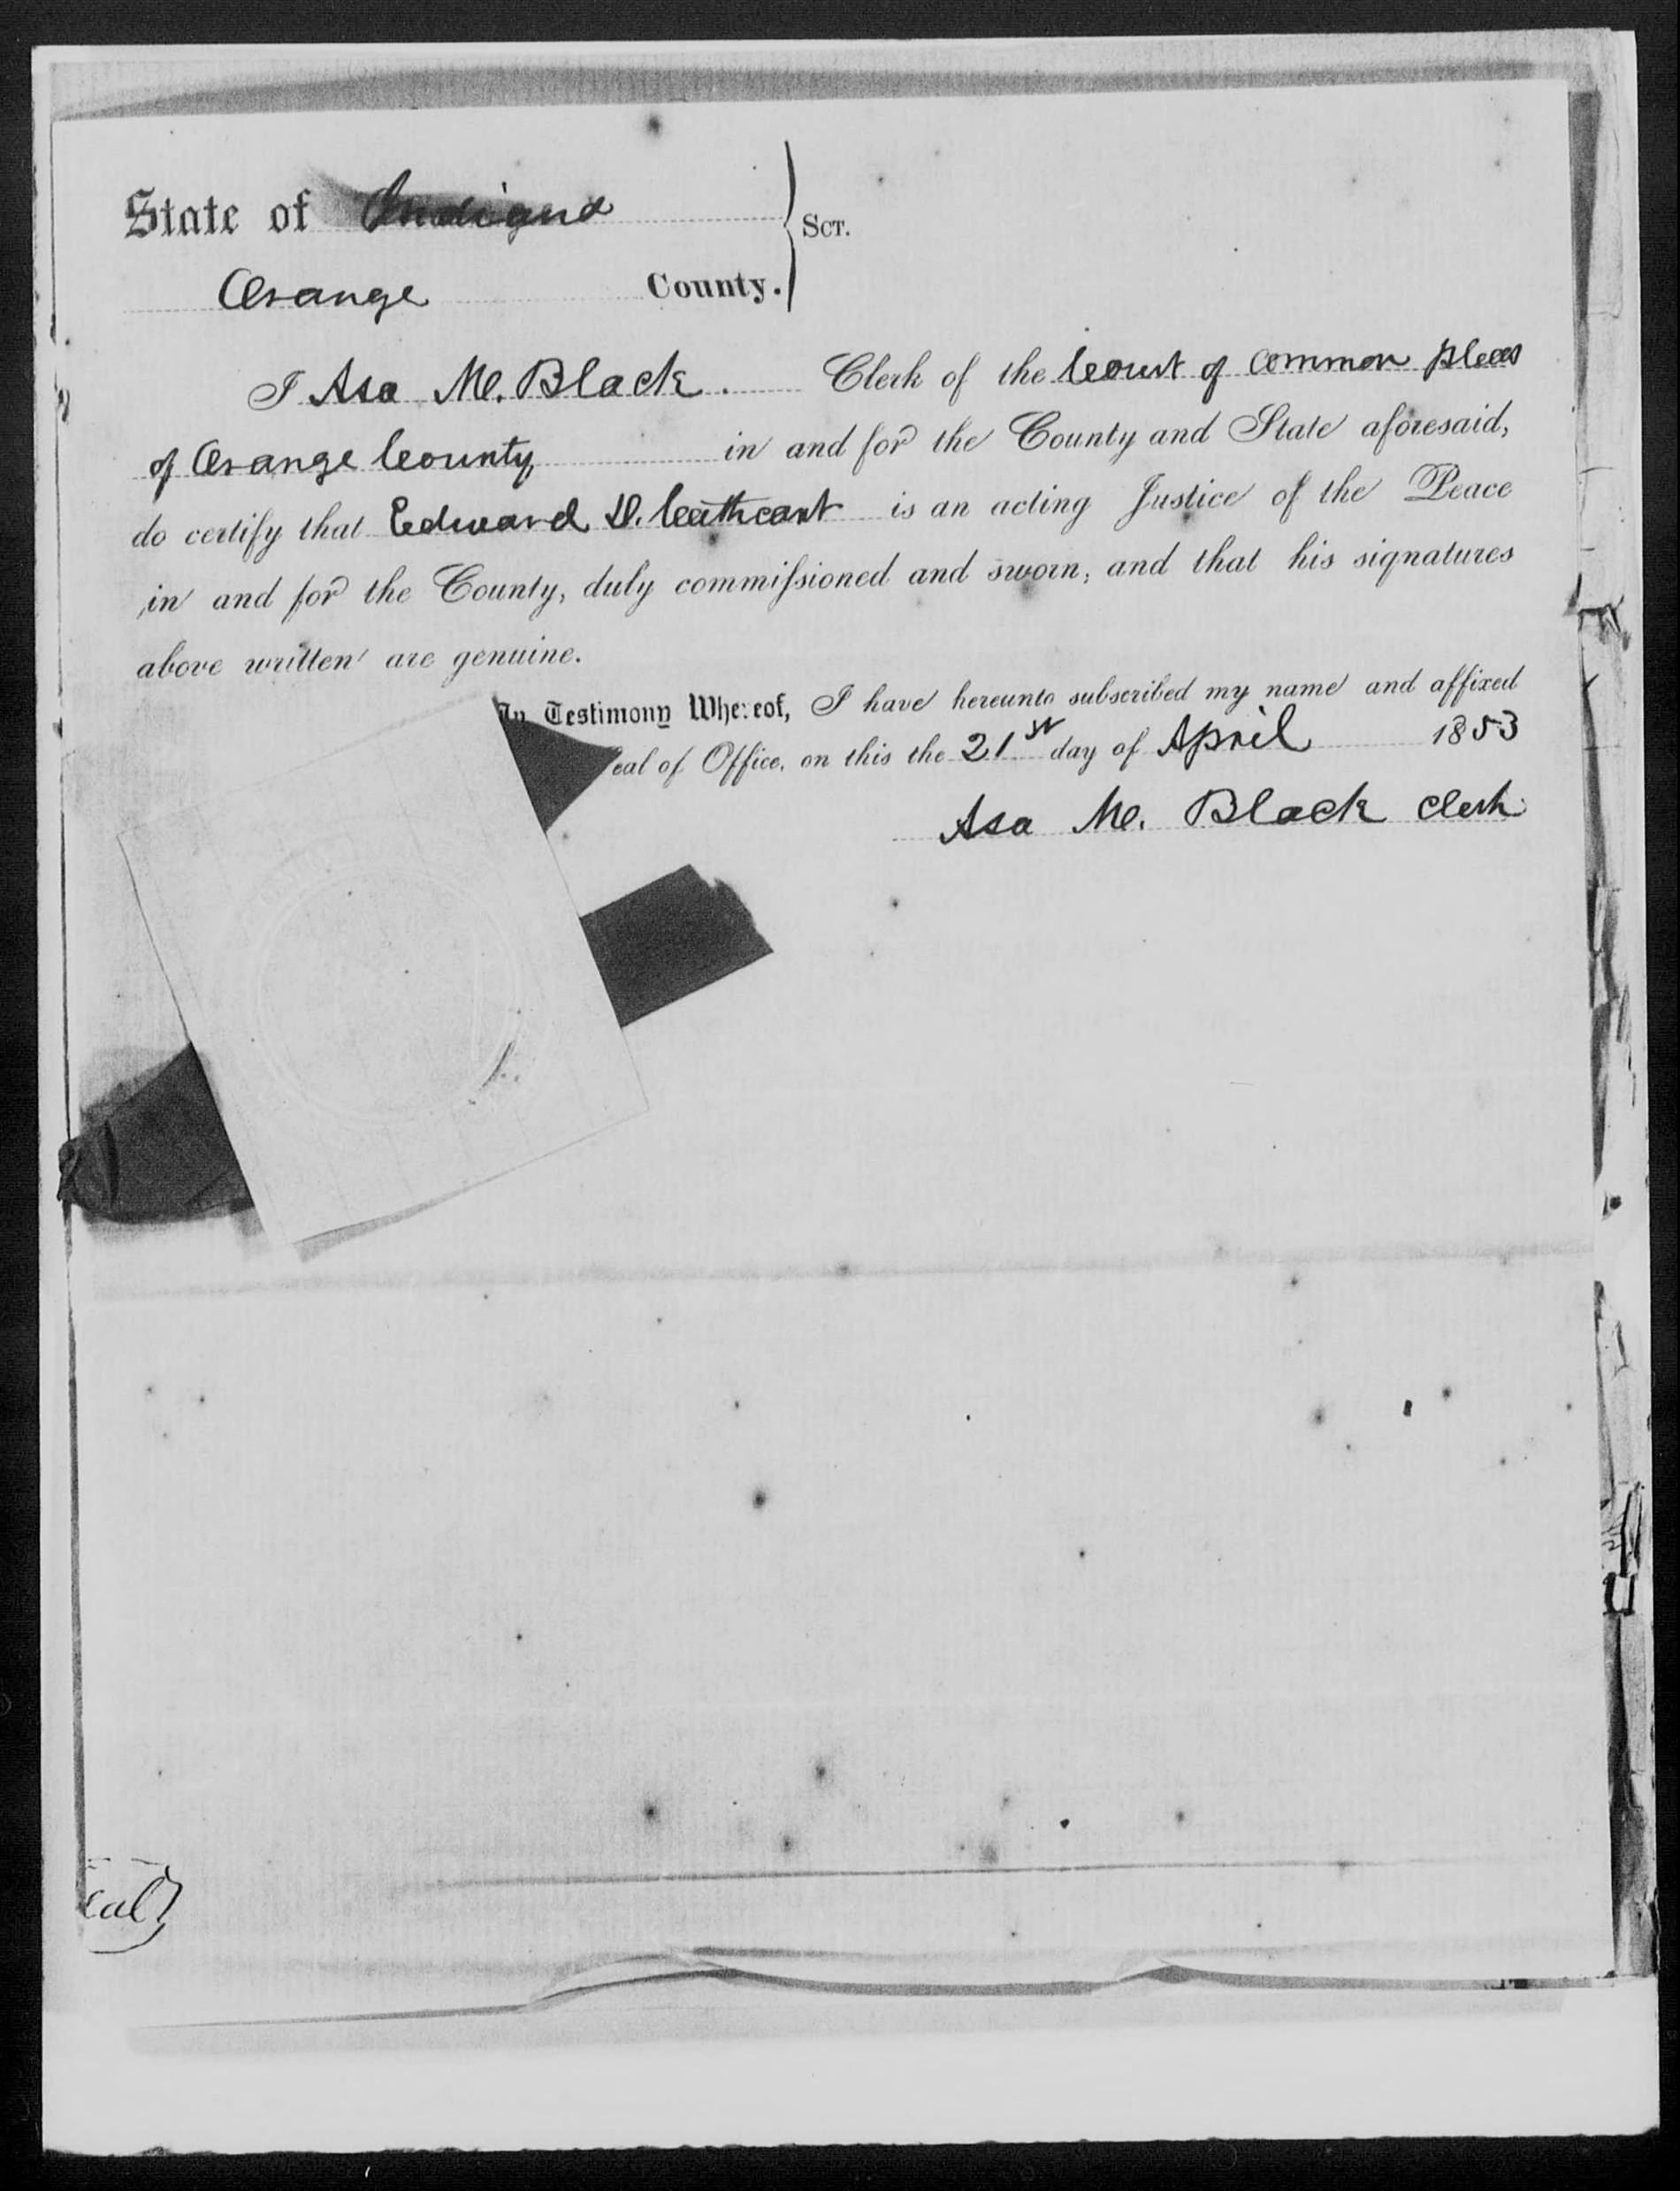State of Indiana Orange County
I Asa M. Black Clerk of the Court of Common Pleas Orange County
in and for the County and State aforesaid, do certify that Edward D. Cathcart is an acting Justice of the Peace in and for the County, duly commissioned and sworn, and that his signatures above written are genuine
InTestimony Whereof, I have hereunto subscribed my name and affixed
Seal of Office, on this the 21st day of April 1853
s/ Asa M. Black Clerk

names: Asa M Black, Edward D Cathcart, Asa M Black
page: 25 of 41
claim: rejected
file: R. 1309, James Brown, S.C.